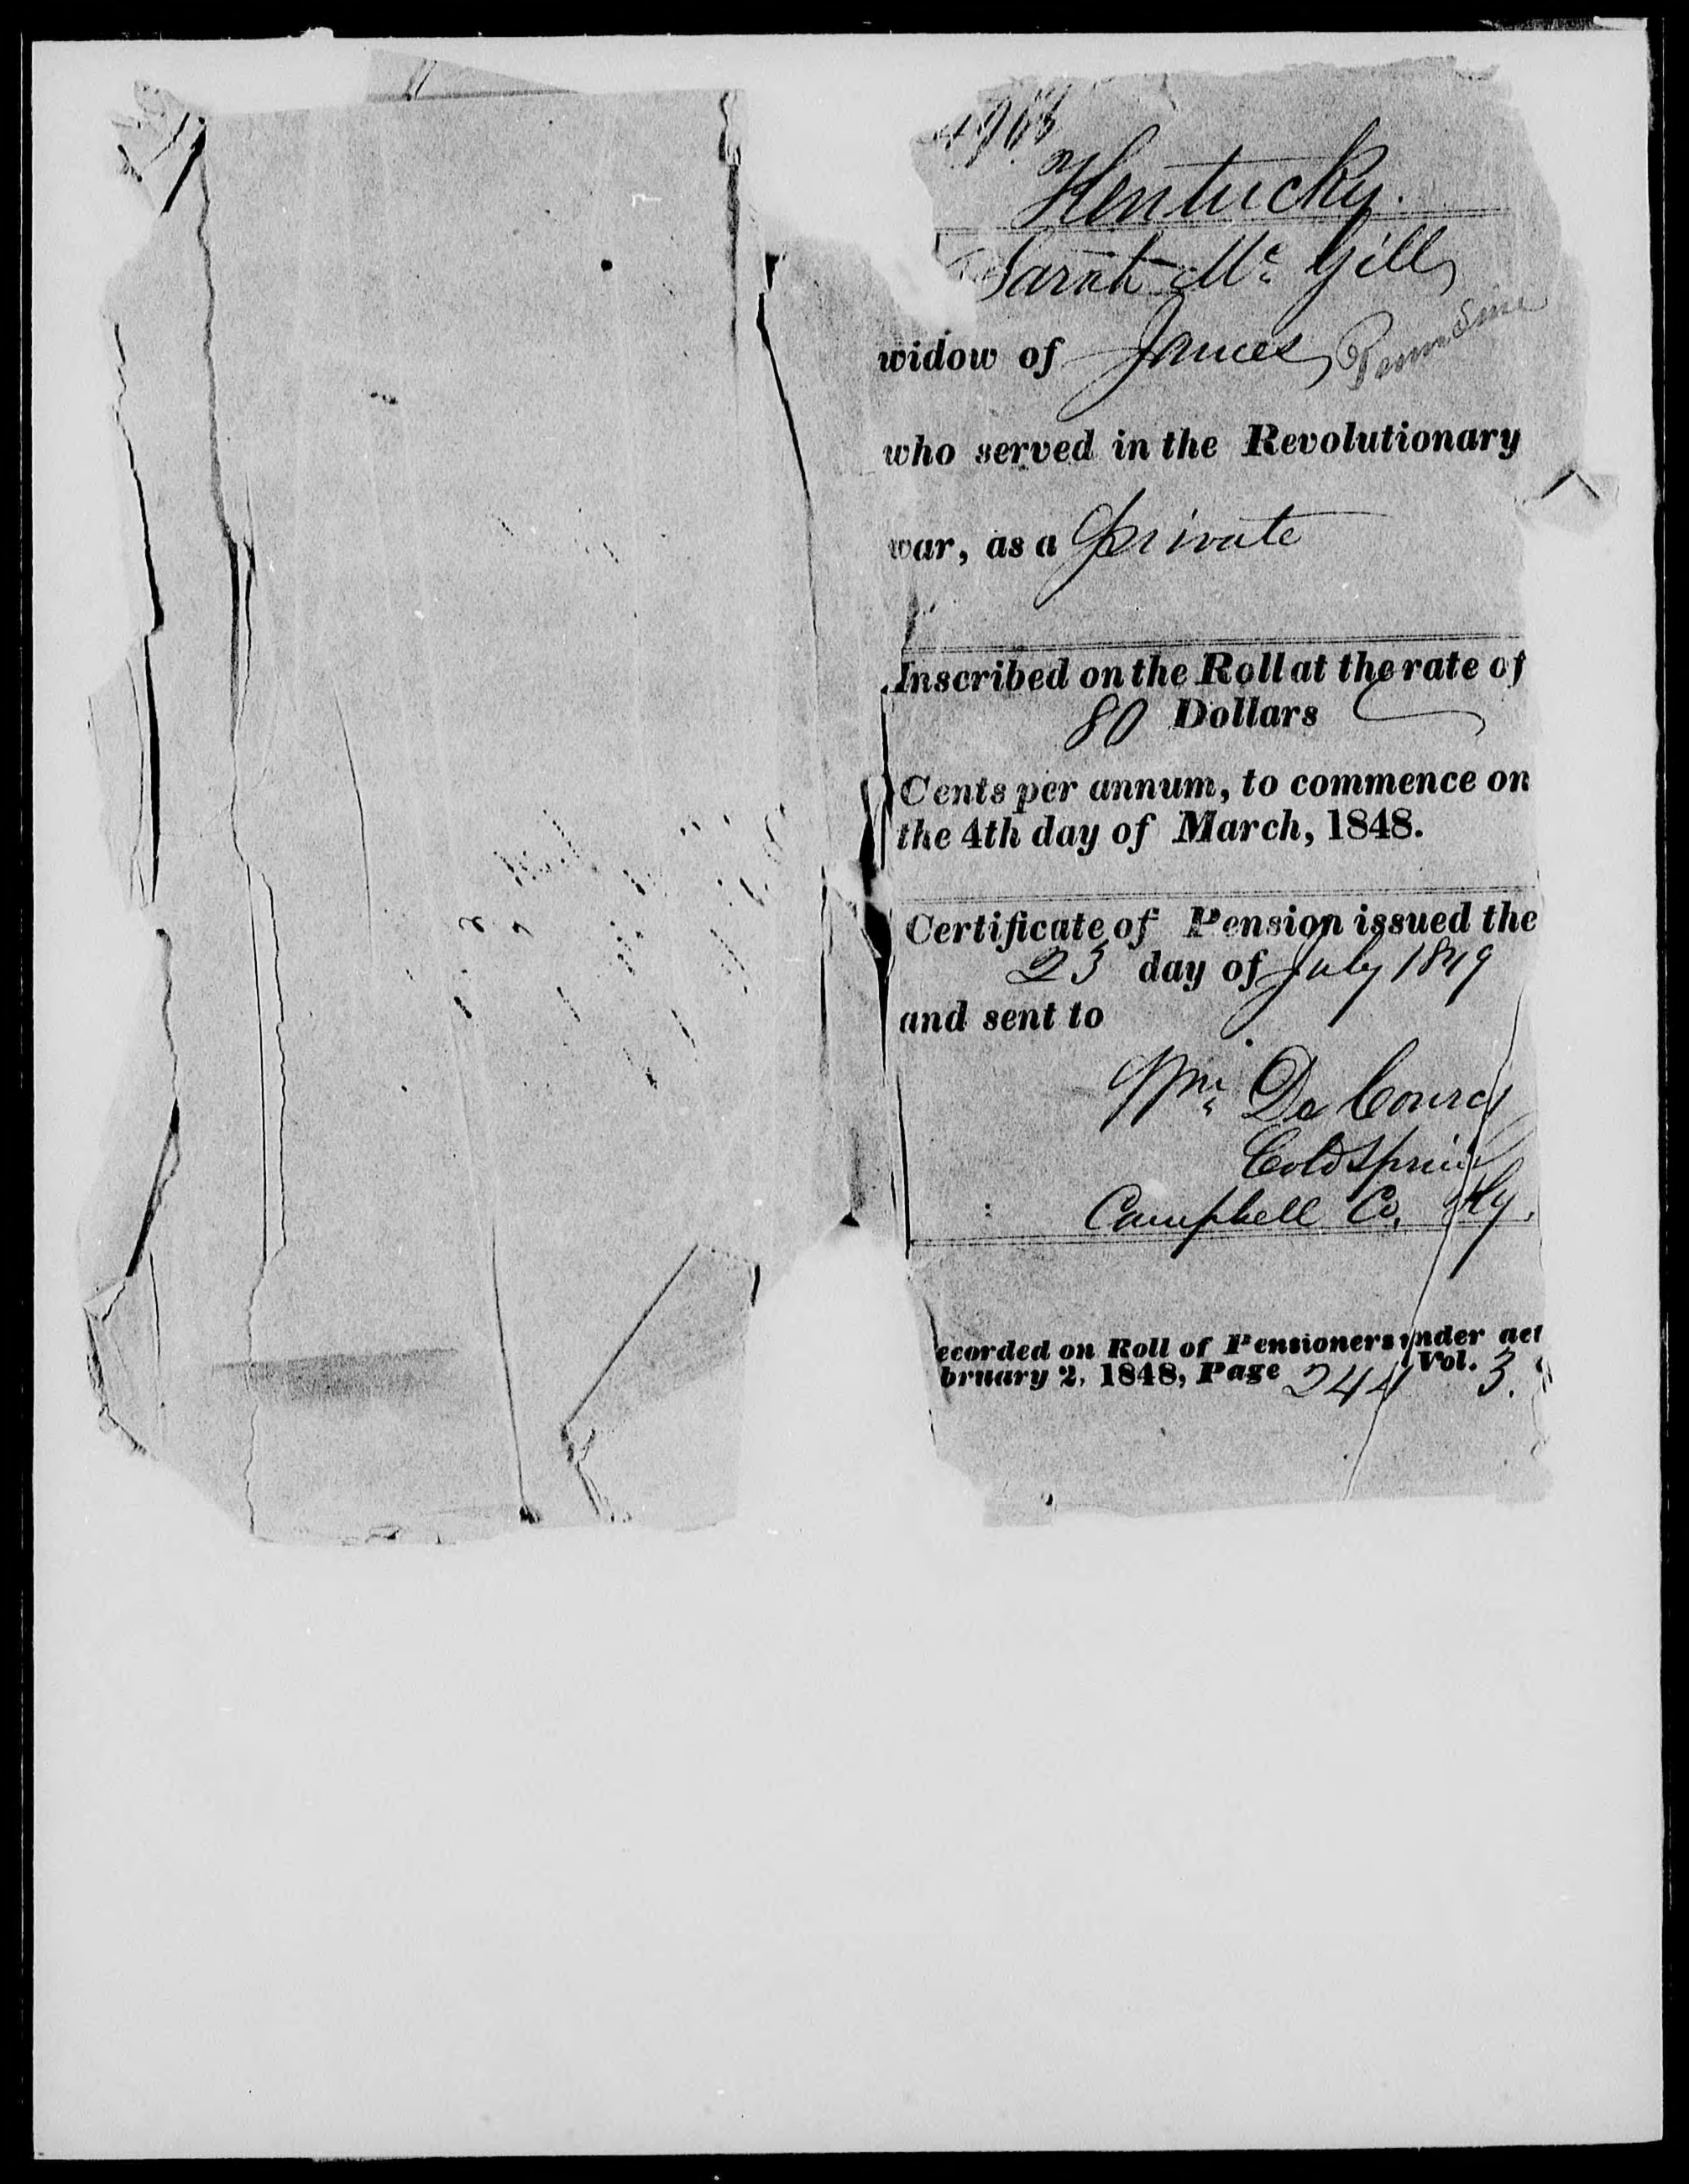[Torn form]   ____47[or 9]66   Kentucky      
Sarah McGill        
widow of James [Pennsylvania Svc] 
who served in the Revolutionary war, 
as a private,   
Inscribed on the Roll at the rate of 80 dollars 
00 cents per annum to commence on the 
4th day of March, 1848; 
Certificate of Pension issued the 23 day of July 1849 and sent to Wm De Courcy, Cold Spring, Campbell Co. KY 
Recorded on Roll of Pensioners under act [torn page]  February 2, 1848, Page 244, Vol. 3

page: 3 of 71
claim: widow's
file: W. 8428, for James Mc Gill, Pennsylvania